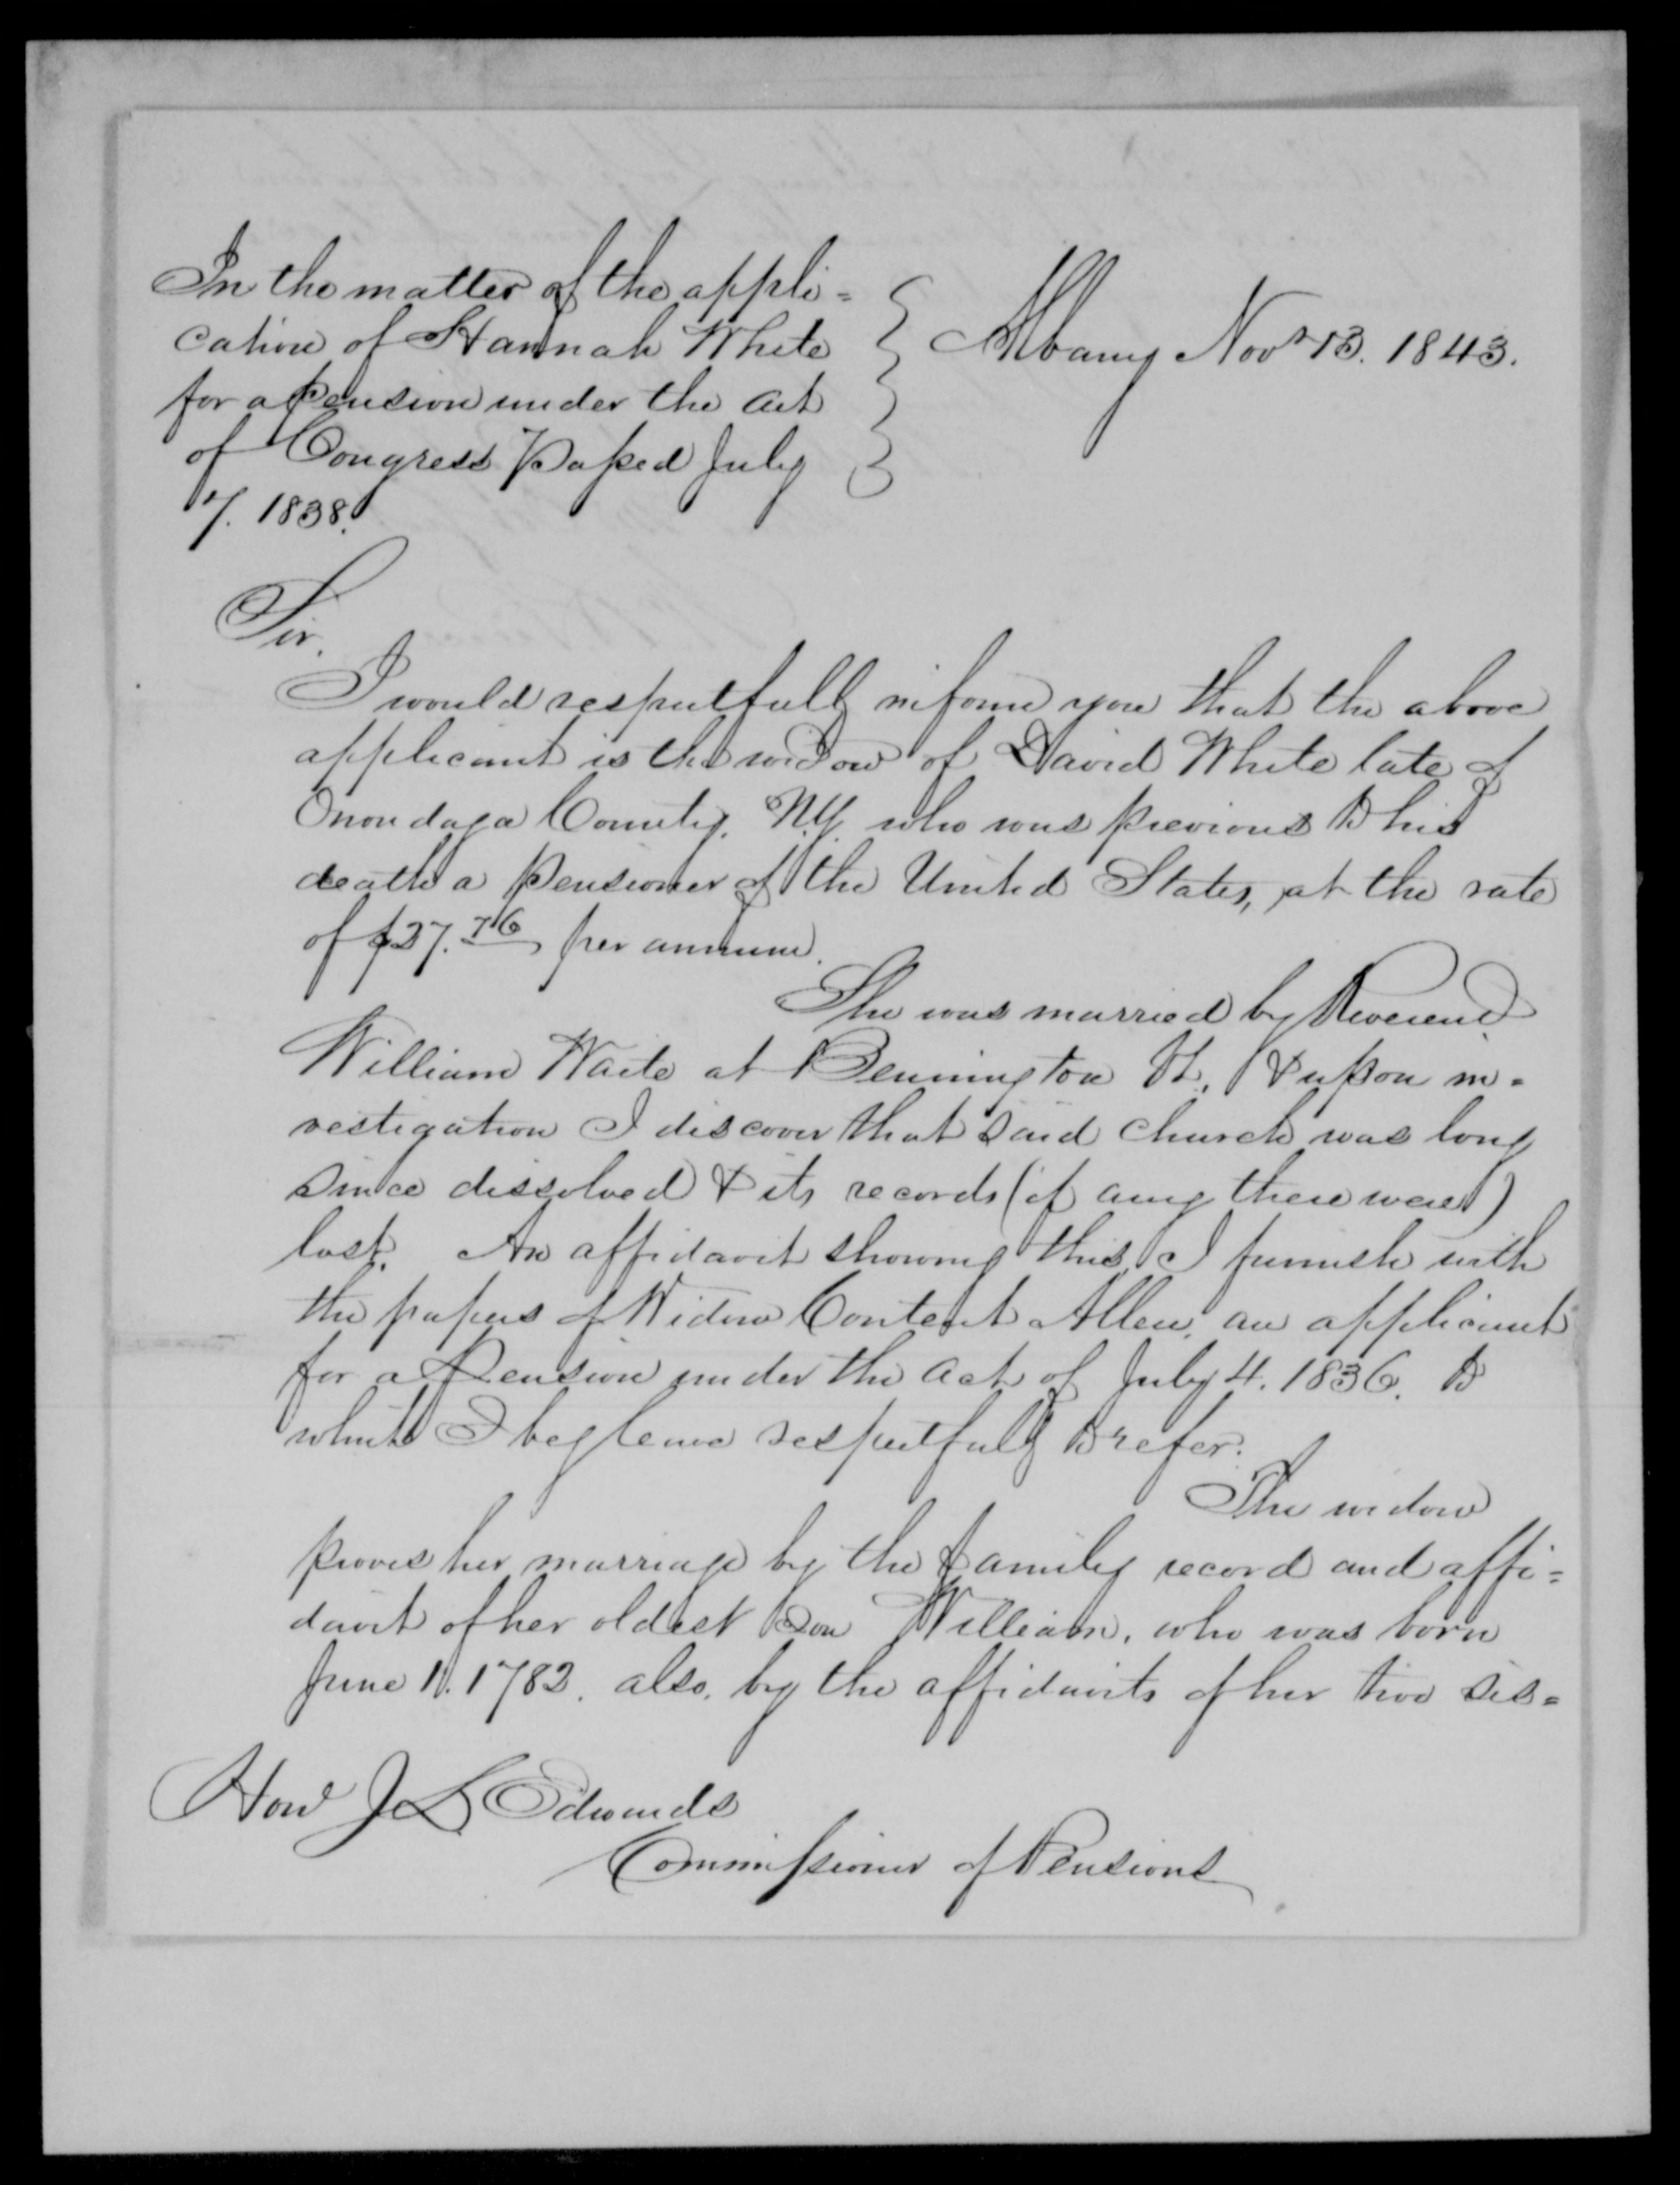In the matter of the application of Hannah White for a pension under the Act of Congress passed July 7 of 1808.

Sir,

I would respectfully inform you that the above applicant is the widow of David White late of Onandaga County NY who was previous to his death a Pensioner of the United States, at the rate of 27.76 per annum.

She was married by Reverend William Waite at Bennington Vt & upon investigation I discover that said church was long since dissolved & its records (if any there was) lost. An affidavit showing this I furnished with the papers of Widow Content Allen, an applicant for a Pension under the Act of July 4, 1836 to which I by law respectfully refer.

This widow proves her marriage by the family record and affidavit of her oldest son William, who was born June 1, 1783 also by the affidavits of her two sis.

Hon J.L. Edwards Commission of Pensions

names: William Waite, J L Edwards, David White, Hannah White, Content Allen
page: 47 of 63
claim: widow's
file: W. 18403, David White, Conn.